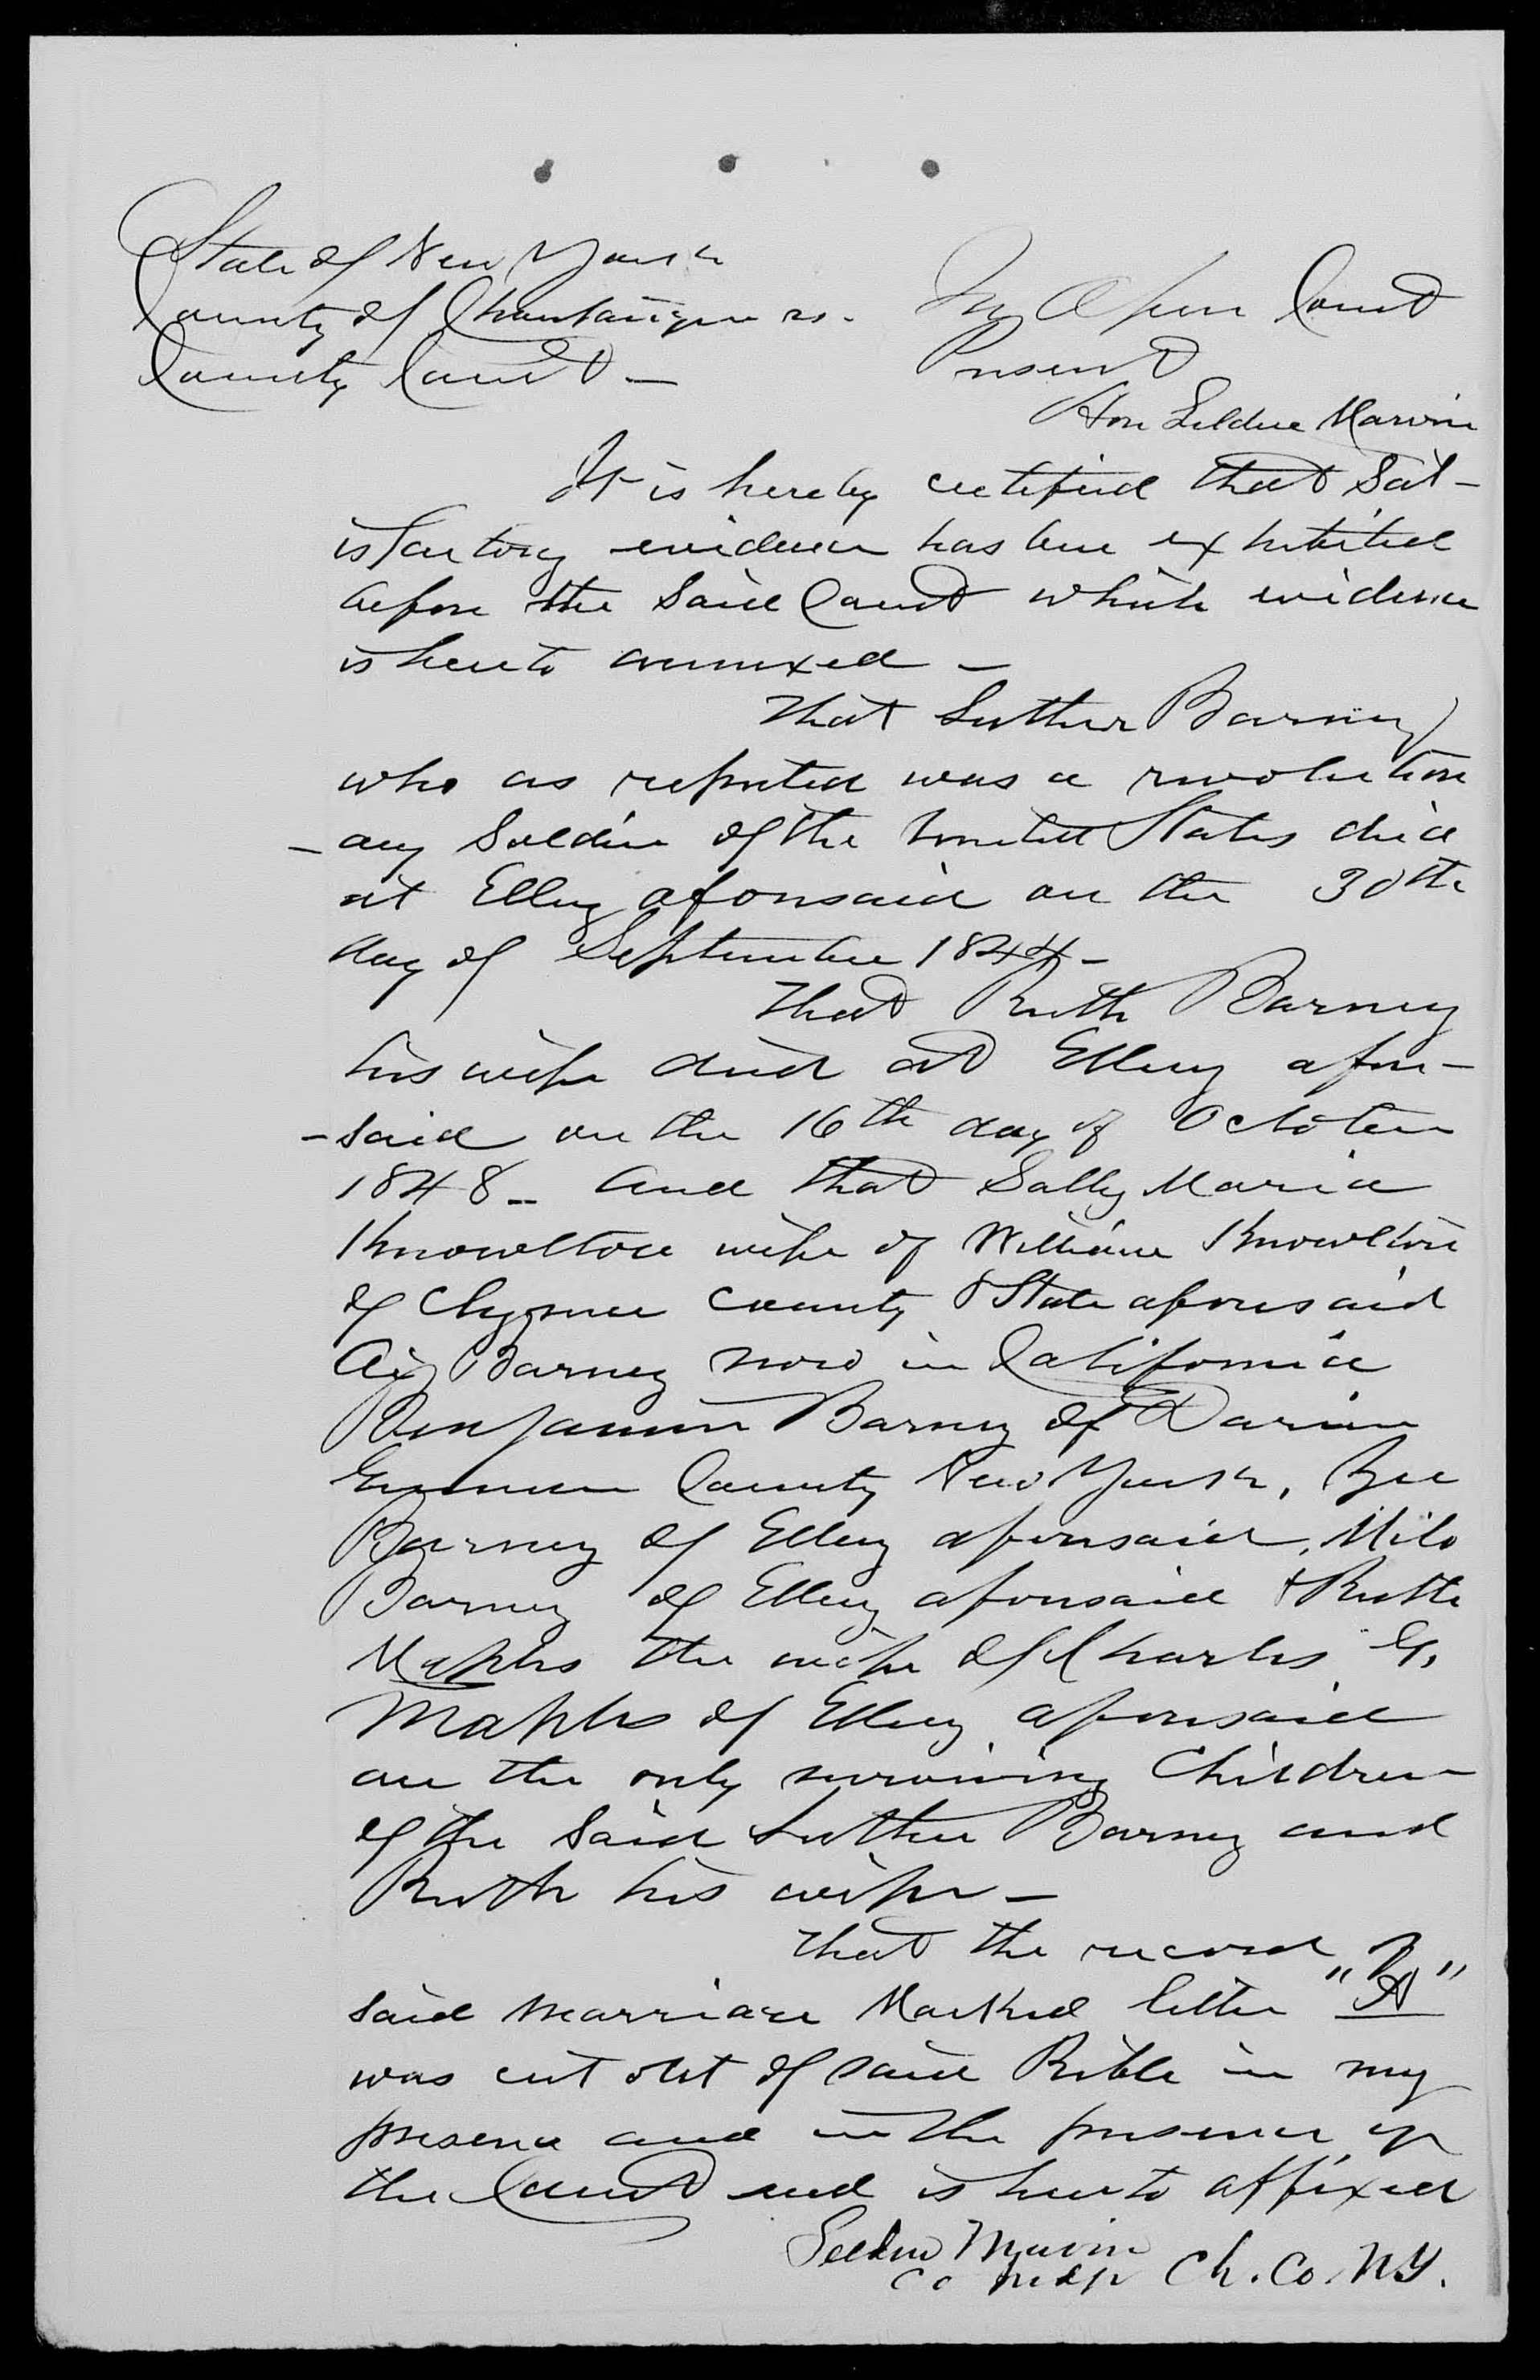State of New York
County of Chautauqua ss.
County Court.

In Open Court
Present
Hon Seldin Marvin

It is hereby certified that satisfactory evidence has been exhibited before the said Court which evidence is hereto annexed -

that Luther Barney who as reputed was a revolutionary soldier of the United States died at Ellery aforesaid on the 30th day of September 1844 -

that Ruth Barney his wife died at Ellery aforesaid
on the 16th day of October 1848 - and that Sally Maria
Knowlton wife of William Knowlton of Clymer County & State aforesaid Ai Barney now in California Benjamin Barney of Darien Genessee County New York, Zee Barney of Ellery aforesaid, Milo Barney of Ellery aforesaid & Ruth A
Maple the wife of Charles G. Maples of Ellery aforesaid
are the only surviving Children of the said Luther Barney and Ruth his wife 

that the record of said Marriage Marked letter "A" was cut out of said Bible in my presence and in the presence of
the Court and is hereto affixed

Seldin Marvin
Co Judge Ch. Co. N.Y.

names: Charles G Maples, Ruth Maples, Benjamin Barney, Luther Barney, Luther Barney, Ruth Barney, William Knowlton, Zee Barney, Selden Marvin, Selden Marvin, Ruth Barney, Sally Maria Knowlton, Ai Barney, Rible, Milo Barney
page: 31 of 61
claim: widow's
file: W. 4.124, Luther Barney, Conn. Privateer.